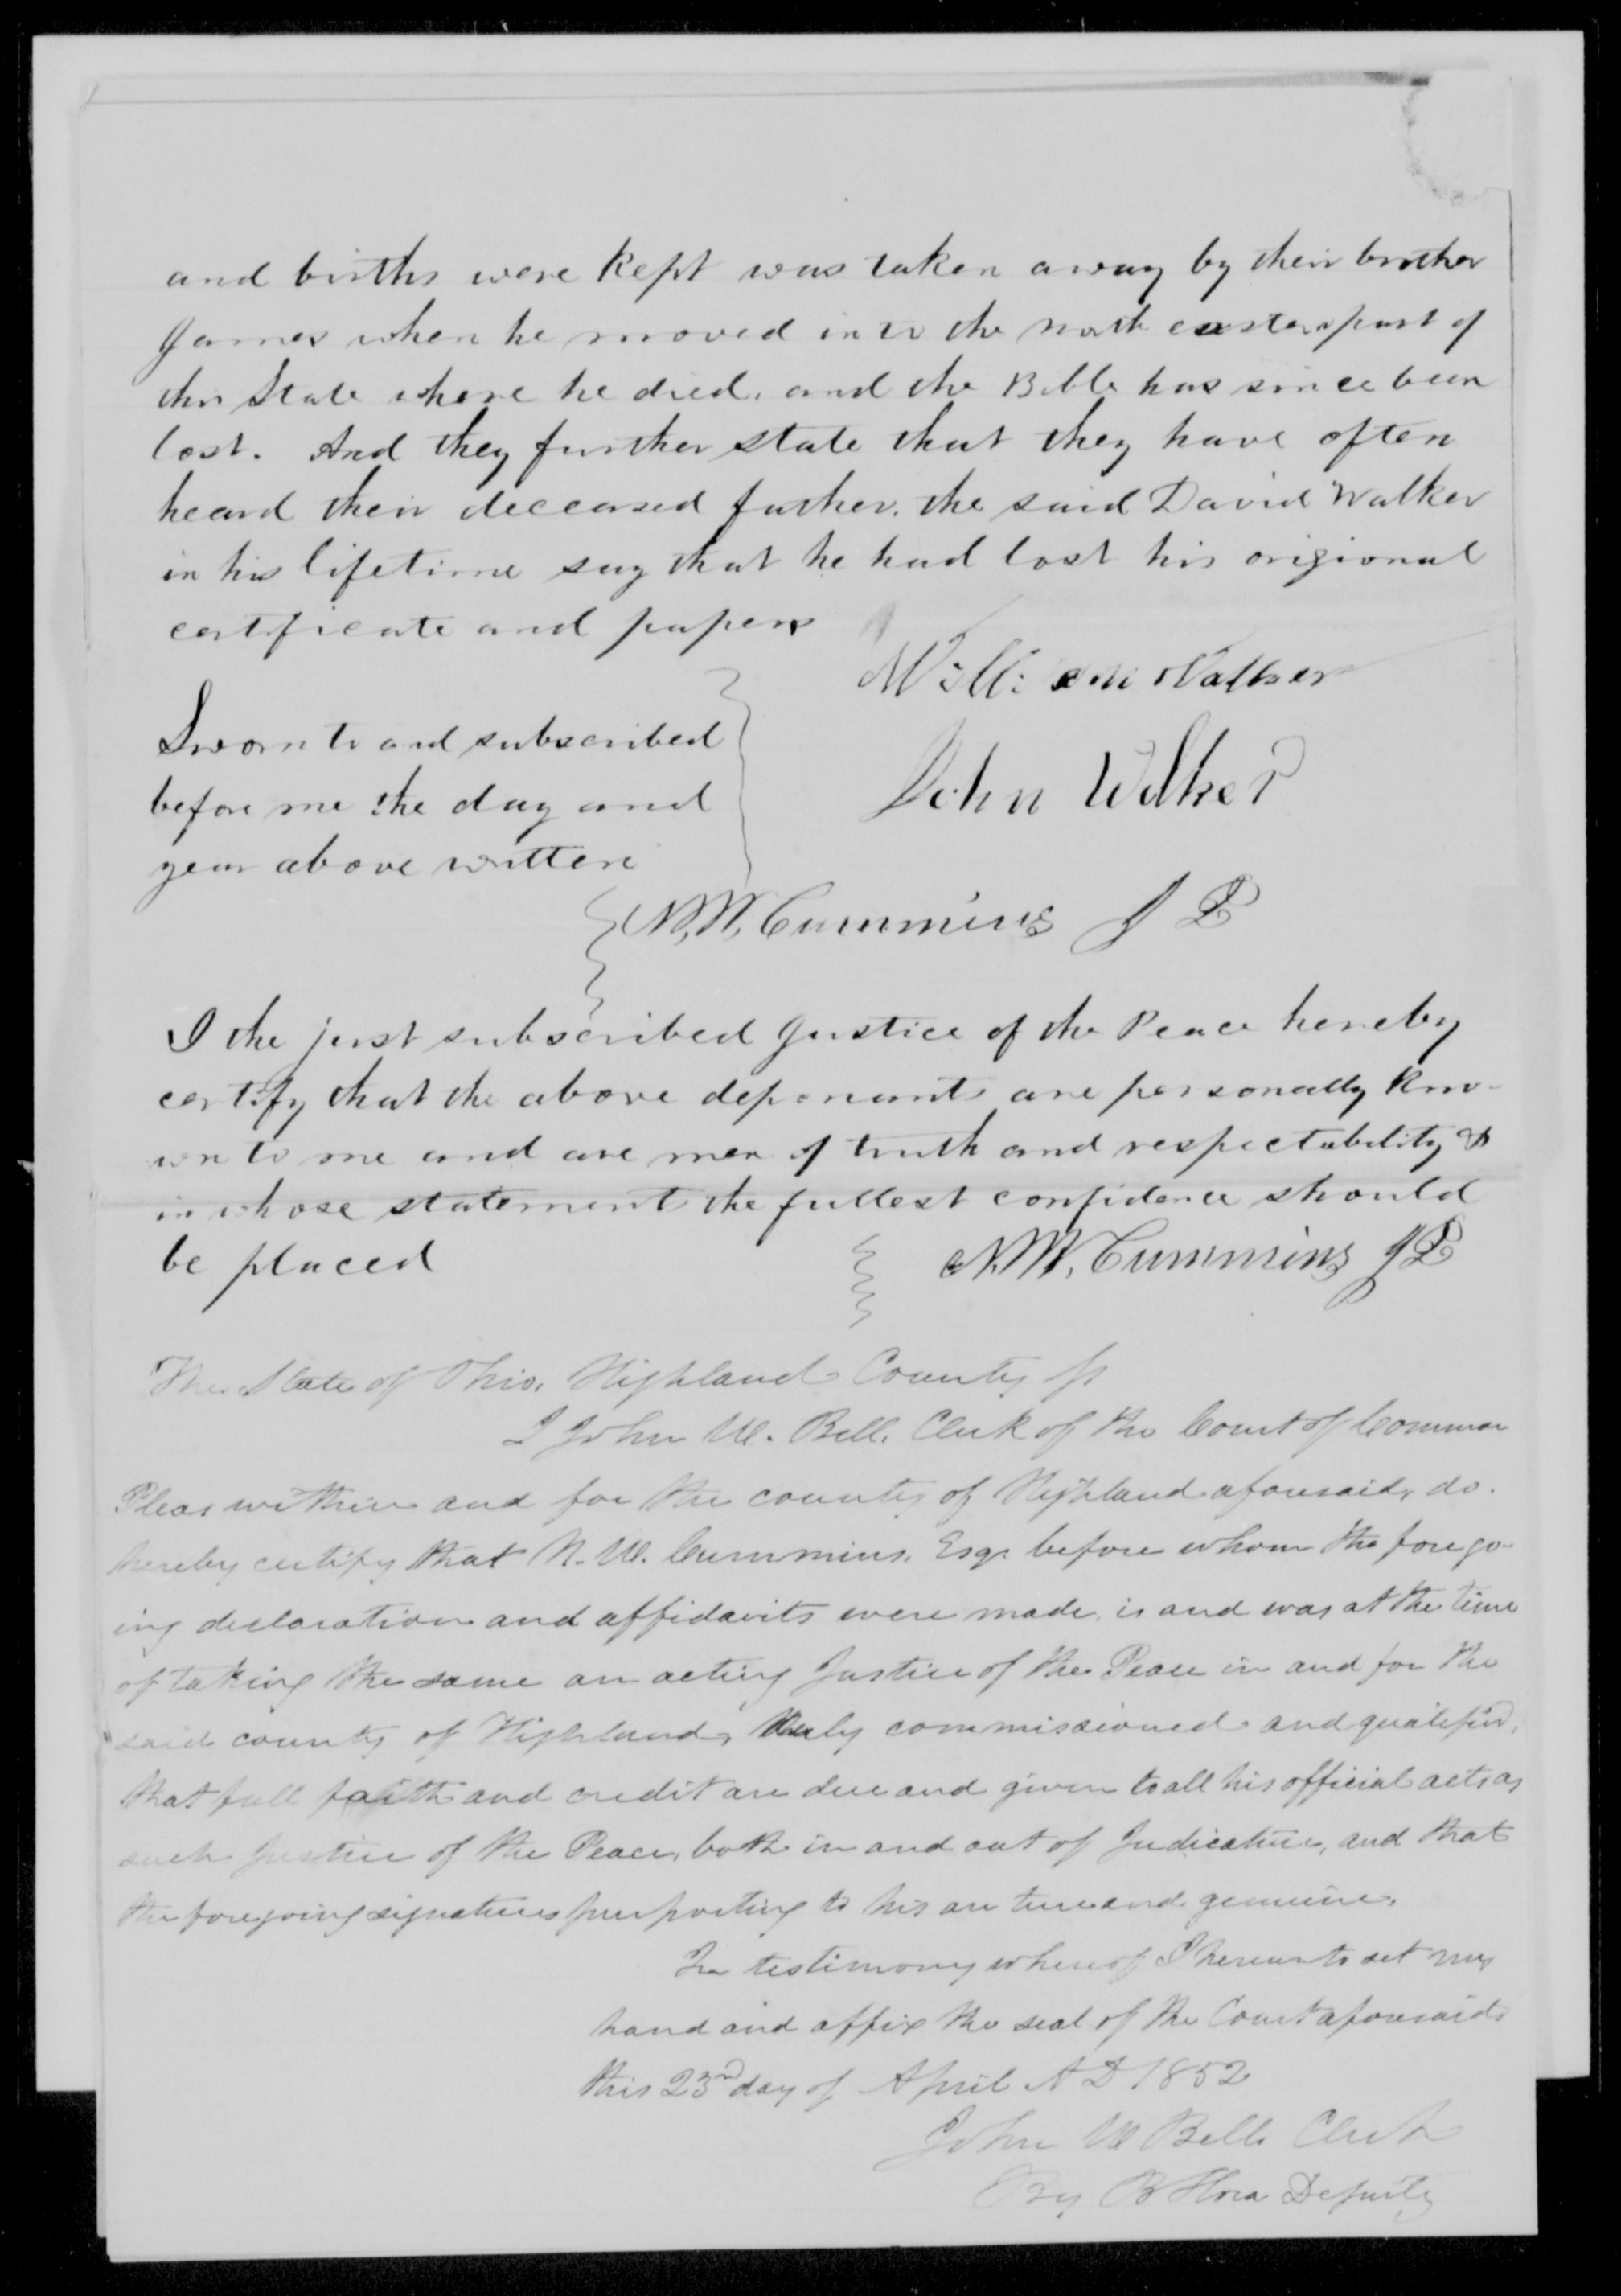and births were kept was taken away by their brother James when he moved into the north east part of this State where he died, and the Bible has since been lost. And they further state that they have often heard their deceased father the said David Walker in his lifetime say that he had lost his original certificate and papers.
William Walker
John Walker
Sworn to and subscribed before me the day and year above written.
N. W. Cummins, Justice of the Peace
I the just subscribed Justice of the Peace hereby certify that the above deponents are personally known to me and are men of truth and respectability & in whose statement the fullest confidence should be placed.
N. W. Cummins, Justice of the Peace

The State of Ohio
Highland County 
I, John W. Bell, Clerk of the Court of Common Pleas within and for the County of Highland aforesaid, do hereby certify that N. W. Cummins, Esq. before whom the foregoing declaration and affidavits were made, is and was at the time of taking the same an acting Justice of the Peace in and for the said County of Highland, duly commissioned and qualified, that full faith and credit are due and given to all his official acts such Justice of the Peace, both in and out of Judication, and that the foregoing signatures purporting to his and the and genuine.
In testimony whereof I hereunto set my hand and affix the seal of the Court aforesaid this 23rd day of April AD 1852
John W. Bell, Clerk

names: William Walker, John W Bell, N W Cummins, John Walker, N W Cummins, John W Bell, David Walker, James, N W Cummins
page: 16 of 37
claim: rejected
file: R. 11047, David Walker, N.C.